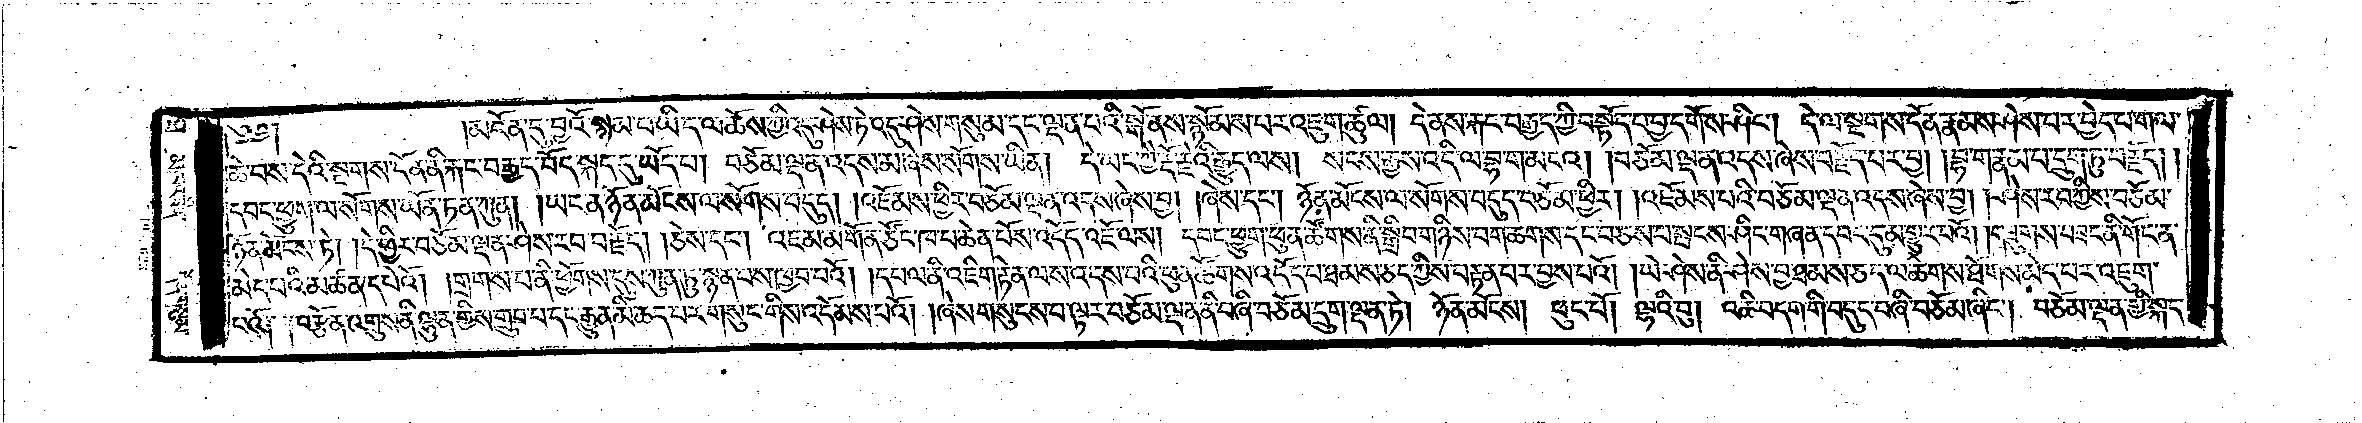༄༅། །མངོན་དུ་བྱའོ་སྙམ་པ་ཡིད་ལ་ཆོས་ཀྱི་འདུ་ཤེས་ཏེ་འདུ་ཤེས་གསུམ་དང་ལྡན་པའི་སྒོ་ནས་སྙོམས་པར་འཇུག་ཚུལ། དེ་ནས་རྐང་བརྒྱད་ཀྱི་བསྟོད་པ་བྱ་དགོས་ཤིང་། དེ་ལ་སྔགས་དོན་རྣམས་ཤེས་པར་བྱེད་པ་གལ་
ཆེ་བས་དེའི་སྔགས་དོན་ནི་རྐང་བརྒྱད་བོད་སྐད་དུ་ཡོད་པ། བཅོམ་ལྡན་འདས་མ་ཞེས་སོགས་ཡིན། དེ་ཡང་ཀྱི་རྡོ་རྗེའི་རྒྱུད་ལས། སངས་རྒྱས་འདི་ལ་བྷ་ག་མངའ། །བཅོམ་ལྡན་འདས་ཞེས་བརྗོད་པར་བྱ། །བྷ་ག་རྣམ་པ་དྲུག་ཏུ་བརྗོད། །
དབང་ཕྱུག་ལ་སོགས་ཡོན་ཏན་ཀུན། །ཡང་ན་ཉོན་མོངས་ལ་སོགས་བདུད། །འཇོམས་ཕྱིར་བཅོམ་ལྡན་འདས་ཞེས་བྱ། །ཞེས་དང་། ཉོན་མོངས་ལ་སོགས་བདུད་བཅོམ་ཕྱིར། །འཇོམས་པའི་བཅོམ་ལྡན་འདས་ཞེས་བྱ། །ཤེས་རབ་ཀྱིས་བཅོམ་
ཉོན་མོངས་ཏེ། །དེ་ཕྱིར་བཅོམ་ལྡན་ཤེས་རབ་བརྗོད། །ཅེས་དང་། འཇམ་མགོན་ཙོང་ཁ་པ་ཆེན་པོས་འདོད་འཇོ་ལས། དབང་ཕྱུག་ཕུན་ཚོགས་ནི་སྒྲིབ་གཉིས་བག་ཆགས་དང་བཅས་པ་སྤངས་ཤིང་གཞན་དབང་དུ་མ་གྱུར྾་པའོ། །གཟུགས་བཟང་ནི་གོང་ན་
མེད་པའི་མཚན་དཔེའོ། །གྲགས་པ་ནི་ཕྱོགས་དུས་ཀུན་ཏུ་སྙན་པས་ཁྱབ་པའོ། །དཔལ་ནི་འཇིག་རྟེན་ལས་འདས་པའི་ཕུན་ཚོགས་འདོད་པ་ཐམས་ཅད་ཀྱིས་བརྟན་པར་བྱས་པའོ། །ཡེ་ཤེས་ནི་ཤེས་བྱ་ཐམས་ཅད་ལ་ཆགས་ཐོགས་མེད་པར་འཇུག་
པའོ༑ ༑བརྩོན་འགྲུས་ནི་ལྷུན་གྱིས་གྲུབ་པ་དང་རྒྱུན་མི་ཆད་པར་གསུང་གིས་འདོམས་པའོ། །ཞེས་གསུངས་པ་ལྟར་བཅོམ་ལྡན་ནི་བཞི་བཅོམ་དྲུག་ལྡན་ཏེ། ཉོན་མོངས། ཕུང་པོ། ལྷའི་བུ། འཆི་བདག་གི་བདུད་བཞི་བཅོམ་ཞིང་། བཅོམ་ལྡན་གྱི་སྐད་